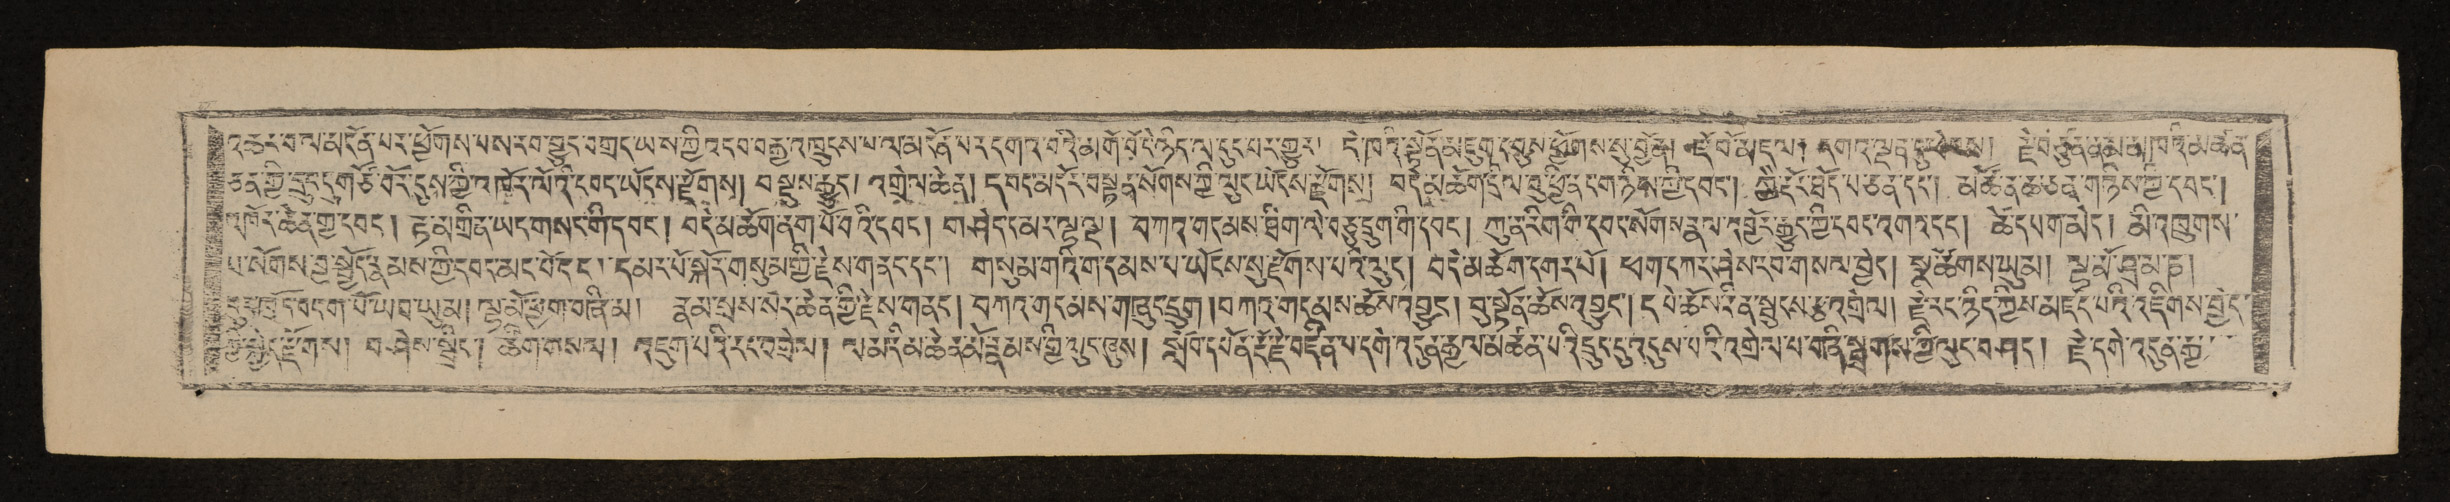འཆར་བ་ལ་མངོན་པར་ཕྱོགས་པས་རབ་བྱུང་བགྲང་ཡས་ཀྱི་འདབ་བརྒྱ་འཁྲུངས་པ་ལ་མངོན་པར་དགའ་བའི་མགོ་བོ་དེ་ཉིད་ལ་དུད་པར་གྱུར། དེ་ཁའི་སྟོན་མཇུག་དབུས་ཕྱོགས་སུ་བྱོན། ཇོ་བོ་མཇལ། དགའ་ལྡན་དུ་ཕེབས། རྗེ་བཙུན་ནམ་མཁའི་མཚན་
ཅན་གྱི་དུད་དུ་གཙོ་བོར་དུས་ཀྱི་འཁོར་ལོའི་དབང་ཡོངས་རྫོགས། བསྡུས་རྒྱུད། འགྲེལ་ཆེན། དབང་མདོར་བསྟན་སོགས་ཀྱི་ལུང་ཡོངས་རྫོགས། བདེ་མཆོག་དྲིལ་བུ་ཕྱི་ནང་གཉིས་ཀྱི་དབང་། ཀྱཻ་རྡོར་ཐོད་པ་ཅན་དང་། མཚོན་ཆ་ཅན་གཉིས་ཀྱི་དབང་།
འཁོར་ཆེན་གྱི་དབང་། རྟ་མགྲིན་ཡང་གསང་གི་དབང་། བདེ་མཆོག་ནག་པོ་བའི་དབང་། གཤེད་དམར་ལྷ་ལྔ། བཀའ་གདམས་ཐིག་ལེ་བཅུ་དྲུག་གི་དབང་། ཀུན་རིག་གི་དབང་སོགས་རྣལ་འབྱོར་རྒྱུད་ཀྱི་དབང་འགའ་དང་། ཚེ་དཔག་མེད། མི་འཁྲུགས་
པ་སོགས་བྱ་སྤྱོད་རྣམས་ཀྱི་དབང་མང་པོ་དང་། དམར་པོ་སྐོ་གསུམ་གྱི་རྗེས་གནང་དང་། གསུམ་གའི་གདམས་པ་ཡོངས་སུ་རྫོགས་པའི་ལུང་། བདེ་མཆོག་དཀར་པོ། ཕག་དཀར་ཤེས་རབ་གསལ་བྱེད། སྣ་ཚོགས་ཡུམ། ལྷ་མོ་ཤྲ་མ་ཎ།
དུར་ཁྲོད་བདག་པོ་ཡབ་ཡུམ། ལྷ་མོ་ཕྱག་བཞི་མ། རྣམ་སྲས་སེར་ཆེན་གྱི་རྗེས་གནང་། བཀའ་གདམས་གཞུང་དྲུག །བཀའ་གདམས་ཆོས་འབྱུང་། བུ་སྟོན་ཆོས་འབྱུང་། དཔེ་ཆོས་རིན་སྤུངས་རྩ་འགྲེལ། རྗེ་རང་ཉིད་ཀྱིས་མཛད་པའི་འཇིགས་བྱེད་
ཀྱི་སྐྱེད་རྫོགས། བཤེས་སྤྲིང་། ཚིག་གསལ། འཇུག་པའི་རང་འགྲེལ། ལམ་རིམ་ཆེན་མོ་རྣམས་ཀྱི་ལུང་ཞུས། སློབ་དཔོན་རྡོ་རྗེ་འཛིན་པ་དགེ་འདུན་རྒྱལ་མཚན་པའི་དྲུང་དུ་འདུས་པའི་འགྲེལ་པ་བཞི་སྦྲགས་ཀྱི་ལུང་བཤད། རྗེ་དགེ་འདུན་རྒྱ་